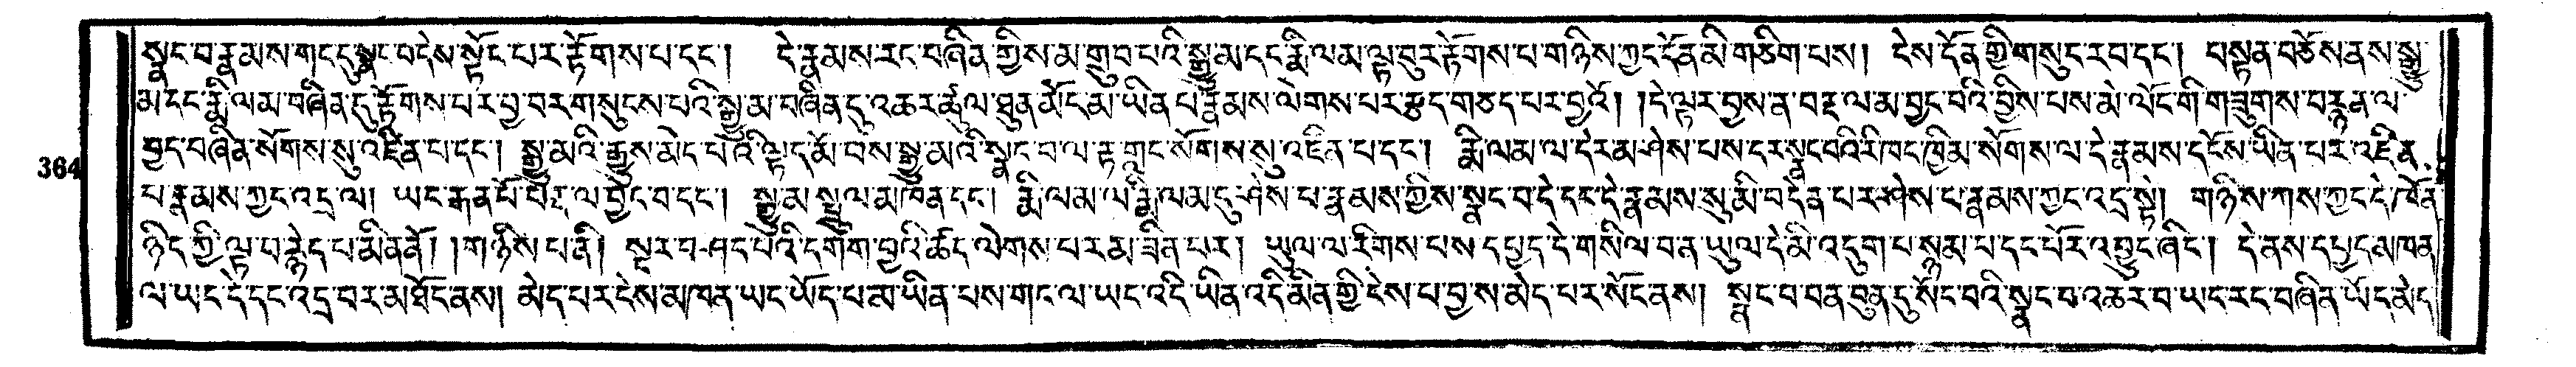སྣང་བ་རྣམས་གང་དུ་སྣང་བ་དེས་སྟོང་པར་རྟོགས་པ་དང་། དེ་རྣམས་རང་བཞིན་གྱིས་མ་གྲུབ་པའི་སྒྱུ་མ་དང་རྨི་ལམ་ལྟ་བུར་རྟོགས་པ་གཉིས་ཀྱང་དོན་མི་གཅིག་པས། ངེས་དོན་གྱི་གསུང་རབ་དང་། བསྟན་བཅོས་ནས་སྒྱུ་
མ་དང་རྨི་ལམ་བཞིན་དུ་རྟོགས་པར་བྱ་བར་གསུངས་པའི་སྒྱུ་མ་བཞིན་དུ་འཆར་ཚུལ་ཐུན་མོང་མ་ཡིན་པ་རྣམས་ལེགས་པར་རྩད་གཅད་པར་བྱའོ། །དེ་ལྟར་བྱས་ན་བརྟན་ལམ་བྱང་བའི་བྱིས་པས་མེ་ལོང་གི་གཟུགས་བརྙན་ལ་
བྱད་བཞིན་སོགས་སུ་འཛིན་པ་དང་། སྒྱུ་མའི་རྒྱུས་མེད་པའི་ལྟད་མོ་བས་སྒྱུ་མའི་སྣང་བ་ལ་རྟ་གླང་སོགས་སུ་འཛིན་པ་དང་། རྨི་ལམ་ལ་དེར་མ་ཤེས་པས་དར་སྣང་བའི་རི་ཁང་ཁྱིམ་སོགས་ལ་དེ་རྣམས་དངོས་ཡིན་པར་འཛིན་
པ་རྣམས་ཀྱང་འདྲ་ལ། ཡང་རྒན་པོ་བརྡ་ལ་བྱང་བ་དང་། སྒྱུ་མ་སྤྲུལ་མཁན་དང་། རྨི་ལམ་ལ་རྨི་ལམ་དུ་ཤེས་པ་རྣམས་ཀྱིས་སྣང་བ་དེ་དང་དེ་རྣམས་སུ་མི་བདེན་པར་ཤེས་པ་རྣམས་ཀྱང་འདྲ་སྟེ། གཉིས་ཀས་ཀྱང་དེ་ཁོན་
ཉིད་ཀྱི་ལྟ་བ་རྙེད་པ་མིན་ནོ། །གཉིས་པ་ནི། སྔར་བཤད་པའི་དགག་བྱའི་ཚད་ལེགས་པར་མ་ཟིན་པར། ཡུལ་ལ་རིགས་པས་དཔྱད་དེ་གསིལ་བ་ན་ཡུལ་དེ་མི་འདུག་པ་སྙམ་པ་དང་པོར་འབྱུང་ཞིང་། དེ་ནས་དཔྱད་མཁན་
ལ་ཡང་དེ་དང་འདྲ་བར་མཐོང་ནས། མེད་པར་ངེས་མཁན་ཡང་ཡོད་པ་མ་ཡིན་པས་གང་ལ་ཡང་འདི་ཡིན་འདི་མིན་གྱི་ངེས་པ་བྱས་མེད་པར་སོང་ནས། སྣང་བ་བན་བུན་དུ་སོང་བའི་སྣང་བ་འཆར་བ་ཡང་རང་བཞིན་ཡོད་མེད་